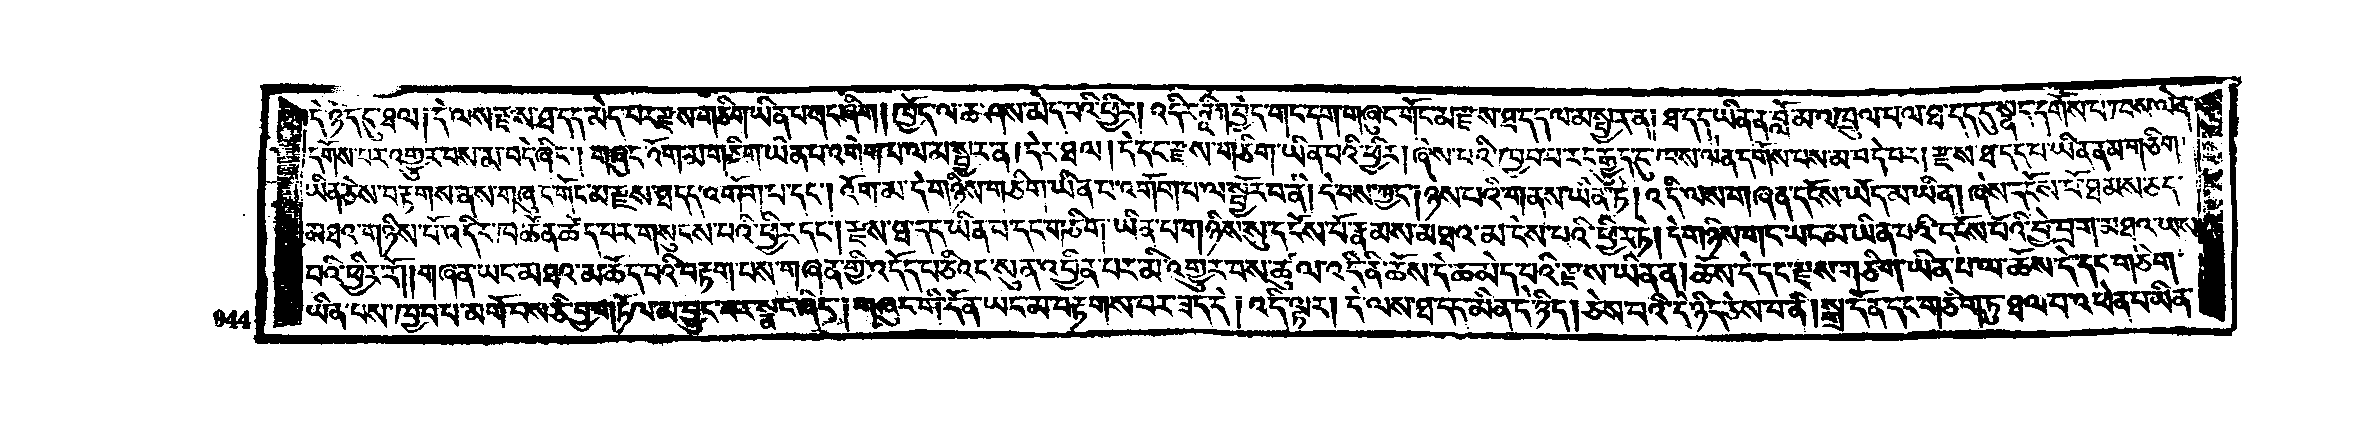དེ་ཉིད་དུ་ཐལ། དེ་ལས་རྫས་ཐ་དད་མེད་པར་རྫས་གཅིག་ཡིན་པ་གང་ཞིག། ཁྱོད་ལ་ཆ་ཤས་མེད་པའི་ཕྱིར། འདིར་ཊཱིཀ་བྱེད་གང་དག་གཞུང་གོང་མ་རྫས་ཐ་དད་ལ་མ་སྦྱར་ན། ཐ་དད་ཡིན་ན་བློ་མ་འཁྲུལ་པ་ལ་ཐ་དད་དུ་སྣང་དགོས་པ་ཁས་ལེན་
དགོས་པར་འགྱུར་བས་མ་བདེ་ཞིང་། གཞུང་འོག་མ་གཅིག་ཡིན་པ་འགེག་པ་ལ་མ་སྦྱར་ན། དེར་ཐལ། དེ་དང་རྫས་གཅིག་ཡིན་པའི་ཕྱིར། ཞེས་པའི་ཁྱབ་པ་རང་རྒྱུད་དུ་ཁས་ལེན་དགོས་པས་མ་བདེ་བར། རྫས་ཐ་དད་པ་ཡིན་ནམ་གཅིག་
ཡིན་ཅེས་བརྟགས་ནས་གཞུང་གོང་མ་རྫས་ཐ་དད་འགོག་པ་དང་། འོག་མ་དེ་གཉིས་གཅིག་ཡིན་པ་འགོག་པ་ལ་སྦྱོར་བ་ནི། དེ་བས་ཀྱང་། ཉེས་པའི་གནས་ཡིན་ཏེ། འདི་ལས་གཞན་དངོས་ཡོད་མ་ཡིན། ཞེས་དངོས་པོ་ཐམས་ཅད་
མཐའ་གཉིས་པོ་འདིར་ཁ་ཚོན་ཚེད་པར་གསུངས་པའི་ཕྱིར་དང་། རྫས་ཐ་དད་ཡིན་པ་དང་གཅིག་ཡིན་པ་གཉིས་སུ་དངོས་པོ་རྣམས་མཐའ་མ་ངེས་པའི་ཕྱིར་ཏེ། དེ་གཉིས་གང་ཡང་མ་ཡིན་པའི་དངོས་པོའི་བྱེ་བྲག་མཐའ་ཡས་
པའི་ཕྱིར་རོ། །གཞན་ཡང་མཐའ་མ་ཆོད་པའི་བརྟག་པས་གཞན་གྱི་འདོད་པ་ཅིའང་སུན་འབྱིན་པར་མི་འགྱུར་བས་ཚུལ་འདི་ནི་ཆོས་དེ་ཆ་མེད་པའི་རྫས་ཡིན་ན། ཆོས་དེ་དང་རྫས་གཅིག་ཡིན་པ་ལ་ཆོས་དེ་དང་གཅིག་
ཡིན་པས་ཁྱབ་པ་མགོ་བས་ཅི་བྱ་གཏོལ་མ་བྱུང་བར་སྣང་ཞིང་། གཞུང་གི་དོན་ཡང་མ་བརྟགས་པར་ཟད་དེ། འདི་ལྟར། དེ་ལས་ཐ་དད་མིན་དེ་ཉིད། ཅེས་པའི་དེ་ཉིད་ཅེས་པ་ནི། སྒྲ་དོན་དང་གཅིག་ཏུ་ཐལ་བ་འཕེན་པ་ཡིན་